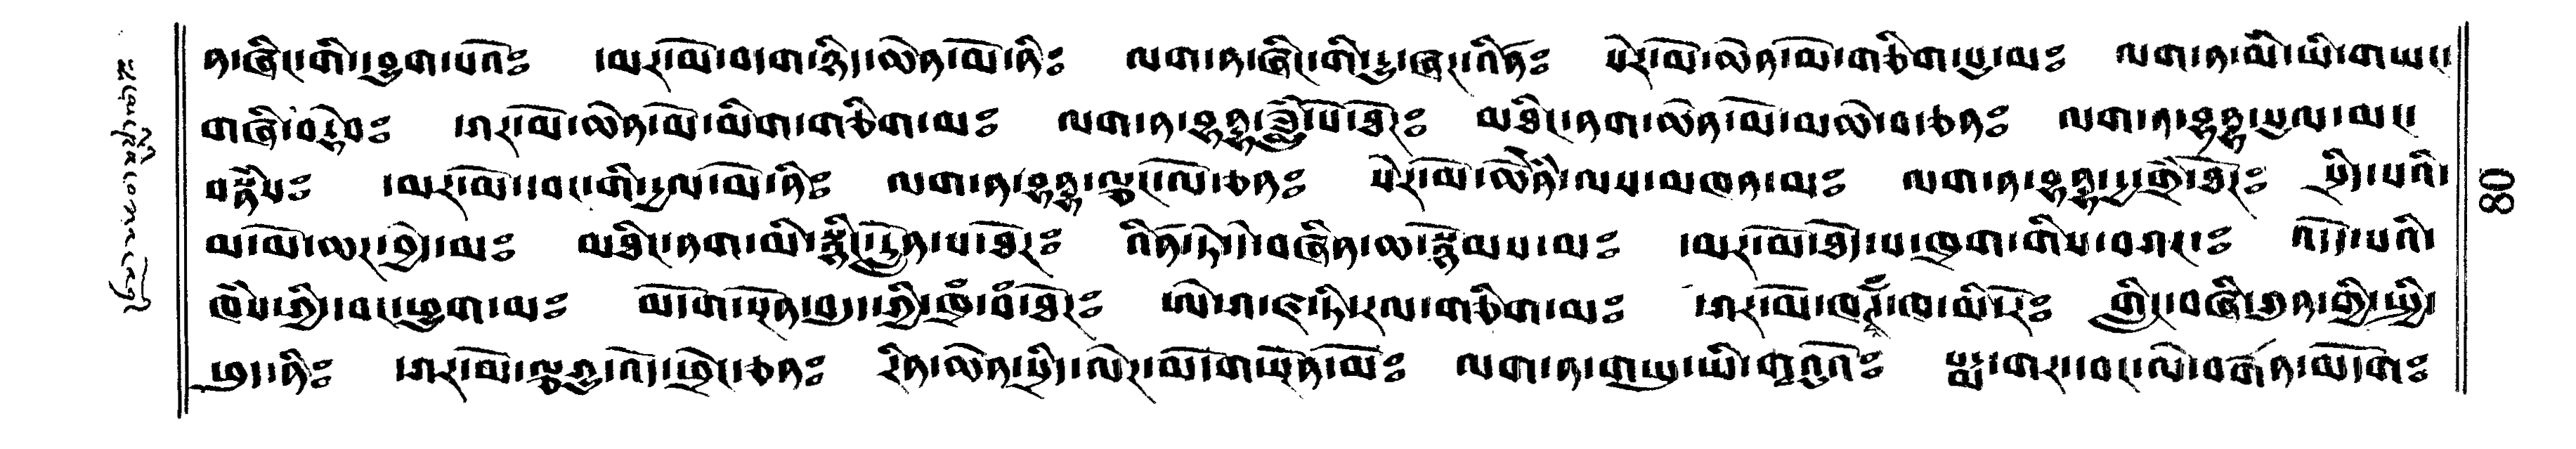ན་ཞིང་གི་དབྱུག་པའོཿ དམར་མོ་བདག་ཉིད་ཆེན་མོ་ནིཿ ལག་ན་ཞིང་གི་རྒྱུ་ཞགས་འཛིནཿ སེར་མོ་ཆེན་མོ་གཅིག་པུ་མཿ ལག་ན་མི་ཡི་གཡང་
གཞི་རྡེབཿ དཀར་མོ་ཆེན་མོ་མིག་གཅིག་མཿ ལག་ན་བྷནྡྷ་ཟླུམ་པོ་ཐོགསཿ མཐིང་ནག་ཆེན་མོ་མཆེ་བ་ཅནཿ ལག་ན་བྷནྡྷ་སུལ་མང་
བསྣམསཿ དམར་མོ་དབང་གི་རྒྱལ་མོ་ནིཿ ལག་ན་བྷནྡྷ་ལྕང་ལོ་ཅནཿ སེར་མོ་ཆེན་མོ་ལས་མཁན་མཿ ལག་ན་བྷནྡྷ་རྒྱ་གྲམ་ཐོགསཿ སྲིད་པའི་
མ་མོ་ཆགས་བྱེད་མཿ མཐིང་ནག་མི་སྙིང་རློན་པ་ཐོདཿ འཛིན་ཏེ་དེ་བཞིན་ཆ་སྙོམས་མཿ དམར་མོ་ཐོད་པ་ཁྲག་གིས་བཀང་ཿ འདོད་པའི་
ཁམས་ཀྱི་དབང་ཕྱུག་མཿ མདོག་སྔོན་བདུད་ཀྱི་ཁྲམ་བམ་ཐོགསཿ ཨེ་ཀ་ཛ་ཏི་རལ་གཅིག་མཿ དཀར་མོ་ཁ་ཊྭཾ་ཀ་མི་རོཿ གླིང་བཞི་ཀུན་གྱི་སྤྱི་
ཕུད་ནིཿ དཀར་མོ་ལྕགས་ཀྱུ་འོད་ཕྲེང་ཅནཿ རིན་ཆེན་སྲིད་ལེགས་མདོག་སྔོན་མོཿལག་ན་གཡུ་ཡི་གའུ་འོཿ པདྨ་གར་དབང་ལེ་བརྒན་མདོགཿ